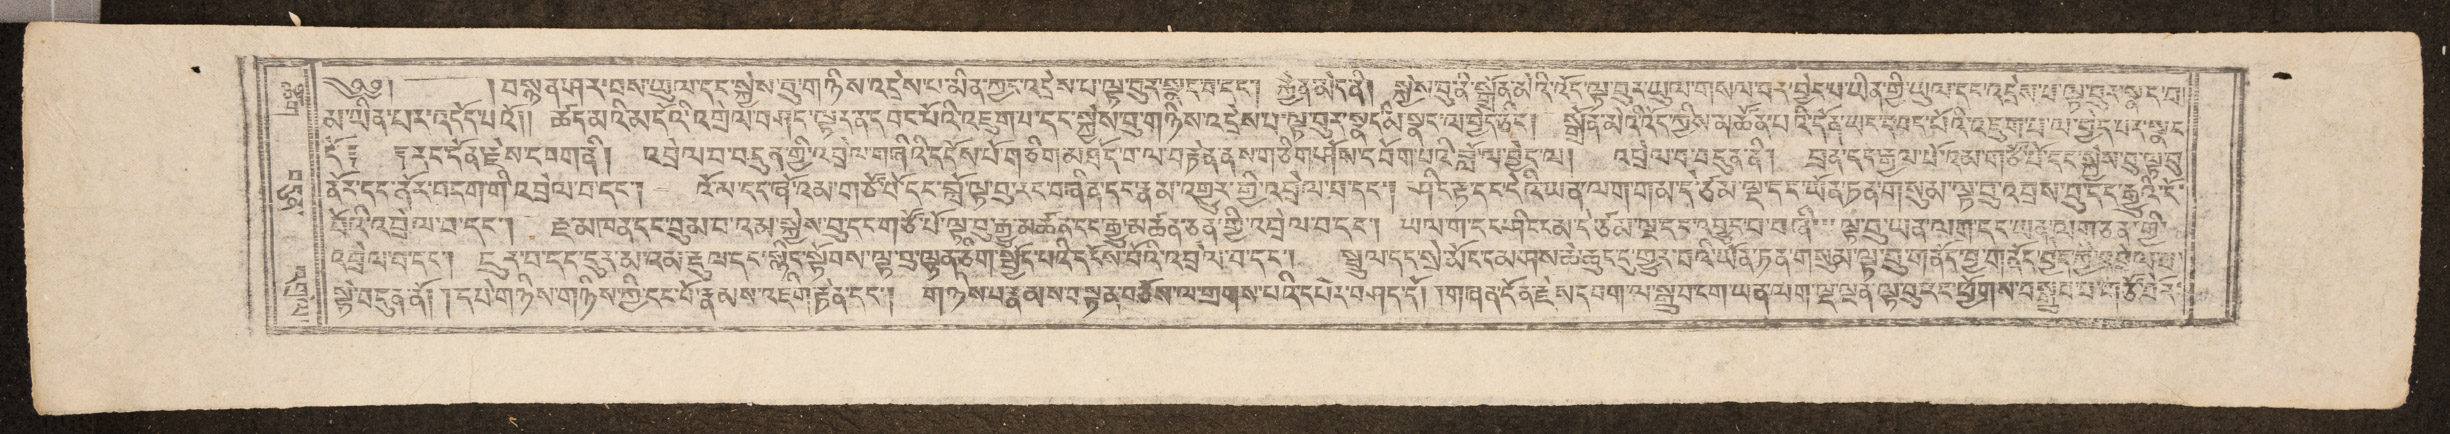༄༅། །བསྙན་ཤར་བས་ཡུལ་དང་སྐྱེས་བུ་གཉིས་འདྲེས་པ་མིན་ཀྱང་འདྲེས་པ་ལྟ་བུར་སྣང་བ་དང་། རྐྱེན་མེད་ནི། སྐྱེས་བུ་ནི་སྒྲོན་མེའི་འོད་ལྟ་བུར་ཡུལ་གསལ་བར་བྱེད་པ་ཡིན་གྱི་ཡུལ་དང་འདྲེས་པ་ལྟ་བུར་སྣང་བ།
མ་ཡིན་པར་འདོད་པའོ།། ཚད་མའི་མདོའི་འགྲེལ་བཤད་ལྟར་ནད་བང་པོའི་འཇུག་པ་དང་སྐྱེས་བུ་གཉིས་འདྲེས་པ་ལྟ་བུར་སྣད་མི་སྣང་ལ་བྱེད་ཅིང་། སྒྲོན་མེའི་འོད་ཀྱིས་མཚོན་པའི་དོན་ཡང་དབང་པོའི་འཇུག་པ་ལ་བྱེད་པར་སྣང་
དོ༑ ༑རང་དོན་རྗེས་དཔག་ནི། འབྲེལ་བ་བདུན་གྱི་འབྲེལ་གཞིའི་དངོས་པོ་གཅིག་མཐོད་པ་ལ་བརྟེན་ནས་གཅིག་ཤོས་དཔོག་པའི་བློ་ལ་བྱེད་ལ། འབྲེལ་བ་བདུན་ནི། བྲན་དང་རྒྱལ་པོའམ་གཙོ་བོ་དང་སྐྱེས་བུ་ལྟ་བུ་
ནོར་དང་ནོར་བདག་གི་འབྲེལ་བ་དང་། འོ་མ་དང་ཞོའམ་གཙོ་བོ་དང་བློ་ལྟ་བུ་རང་བཞིན་དང་རྣམ་འགྱུར་གྱི་འབྲེལ་བ་དང་། ཤིང་རྟ་དང་དེའི་ཡན་ལག་གམ་དེ་ཙམ་ལྔ་དང་ཡོན་ཏན་གསུམ་ལྟ་བུ་འབྲས་བུ་དང་རྒྱུའི་ངོ་
བོའི་འབྲེལ་བ་དང་། རྫ་མཁན་དང་བུམ་པའམ་སྐྱེས་བུ་དང་གཙོ་བོ་ལྟ་བུ་རྒྱུ་མཚན་དང་རྒྱུ་མཚན་ཅན་གྱི་འབྲེལ་བ་དང་། ཡལ་ག་དང་ཤིང་ངམ་དེ་ཙམ་ལྔ་དང་འབྱུང་བ་བཞི་ལྟ་བུ་ཡན་ལག་དང་ཡན་ལག་ཅན་གྱི་
འབྲེལ་བ་དང་། དུར་བ་དང་དུར་མའམ་རྡུལ་དང་སྙིང་སྟོབས་ལྟ་བུ་ལྷན་ཅིག་སྤྱོད་པའི་དངོས་པོའི་འབྲེལ་བ་དང་། སྦྲུལ་དང་སྲེ་མོང་དམ་ཤས་ཆེ་ཆུང་དུ་གྱུར་བའི་ཡོན་ཏན་གསུམ་ལྟ་བུ་གནོད་བྱ་གནོད་བྱེད་ཀྱི་འབྲེལ་བ་
སྟེ་བདུན་ནོ། །དཔེ་གཉིས་གཉིས་ཀྱི་དང་པོ་རྣམས་འཇིག་རྟེན་དང་། གཉིས་པ་རྣམས་བསྟན་བཅོས་ལ་གྲགས་པའི་དཔེར་བཤད་དོ། །གཞན་དོན་རྗེས་དཔག་ལ་སྒྲུབ་དག་ཡན་ལག་ལྔ་ལྡན་ལྟ་བུ་རང་ཕྱོགས་བསྒྲུབ་པ་གཙོ་བོར་